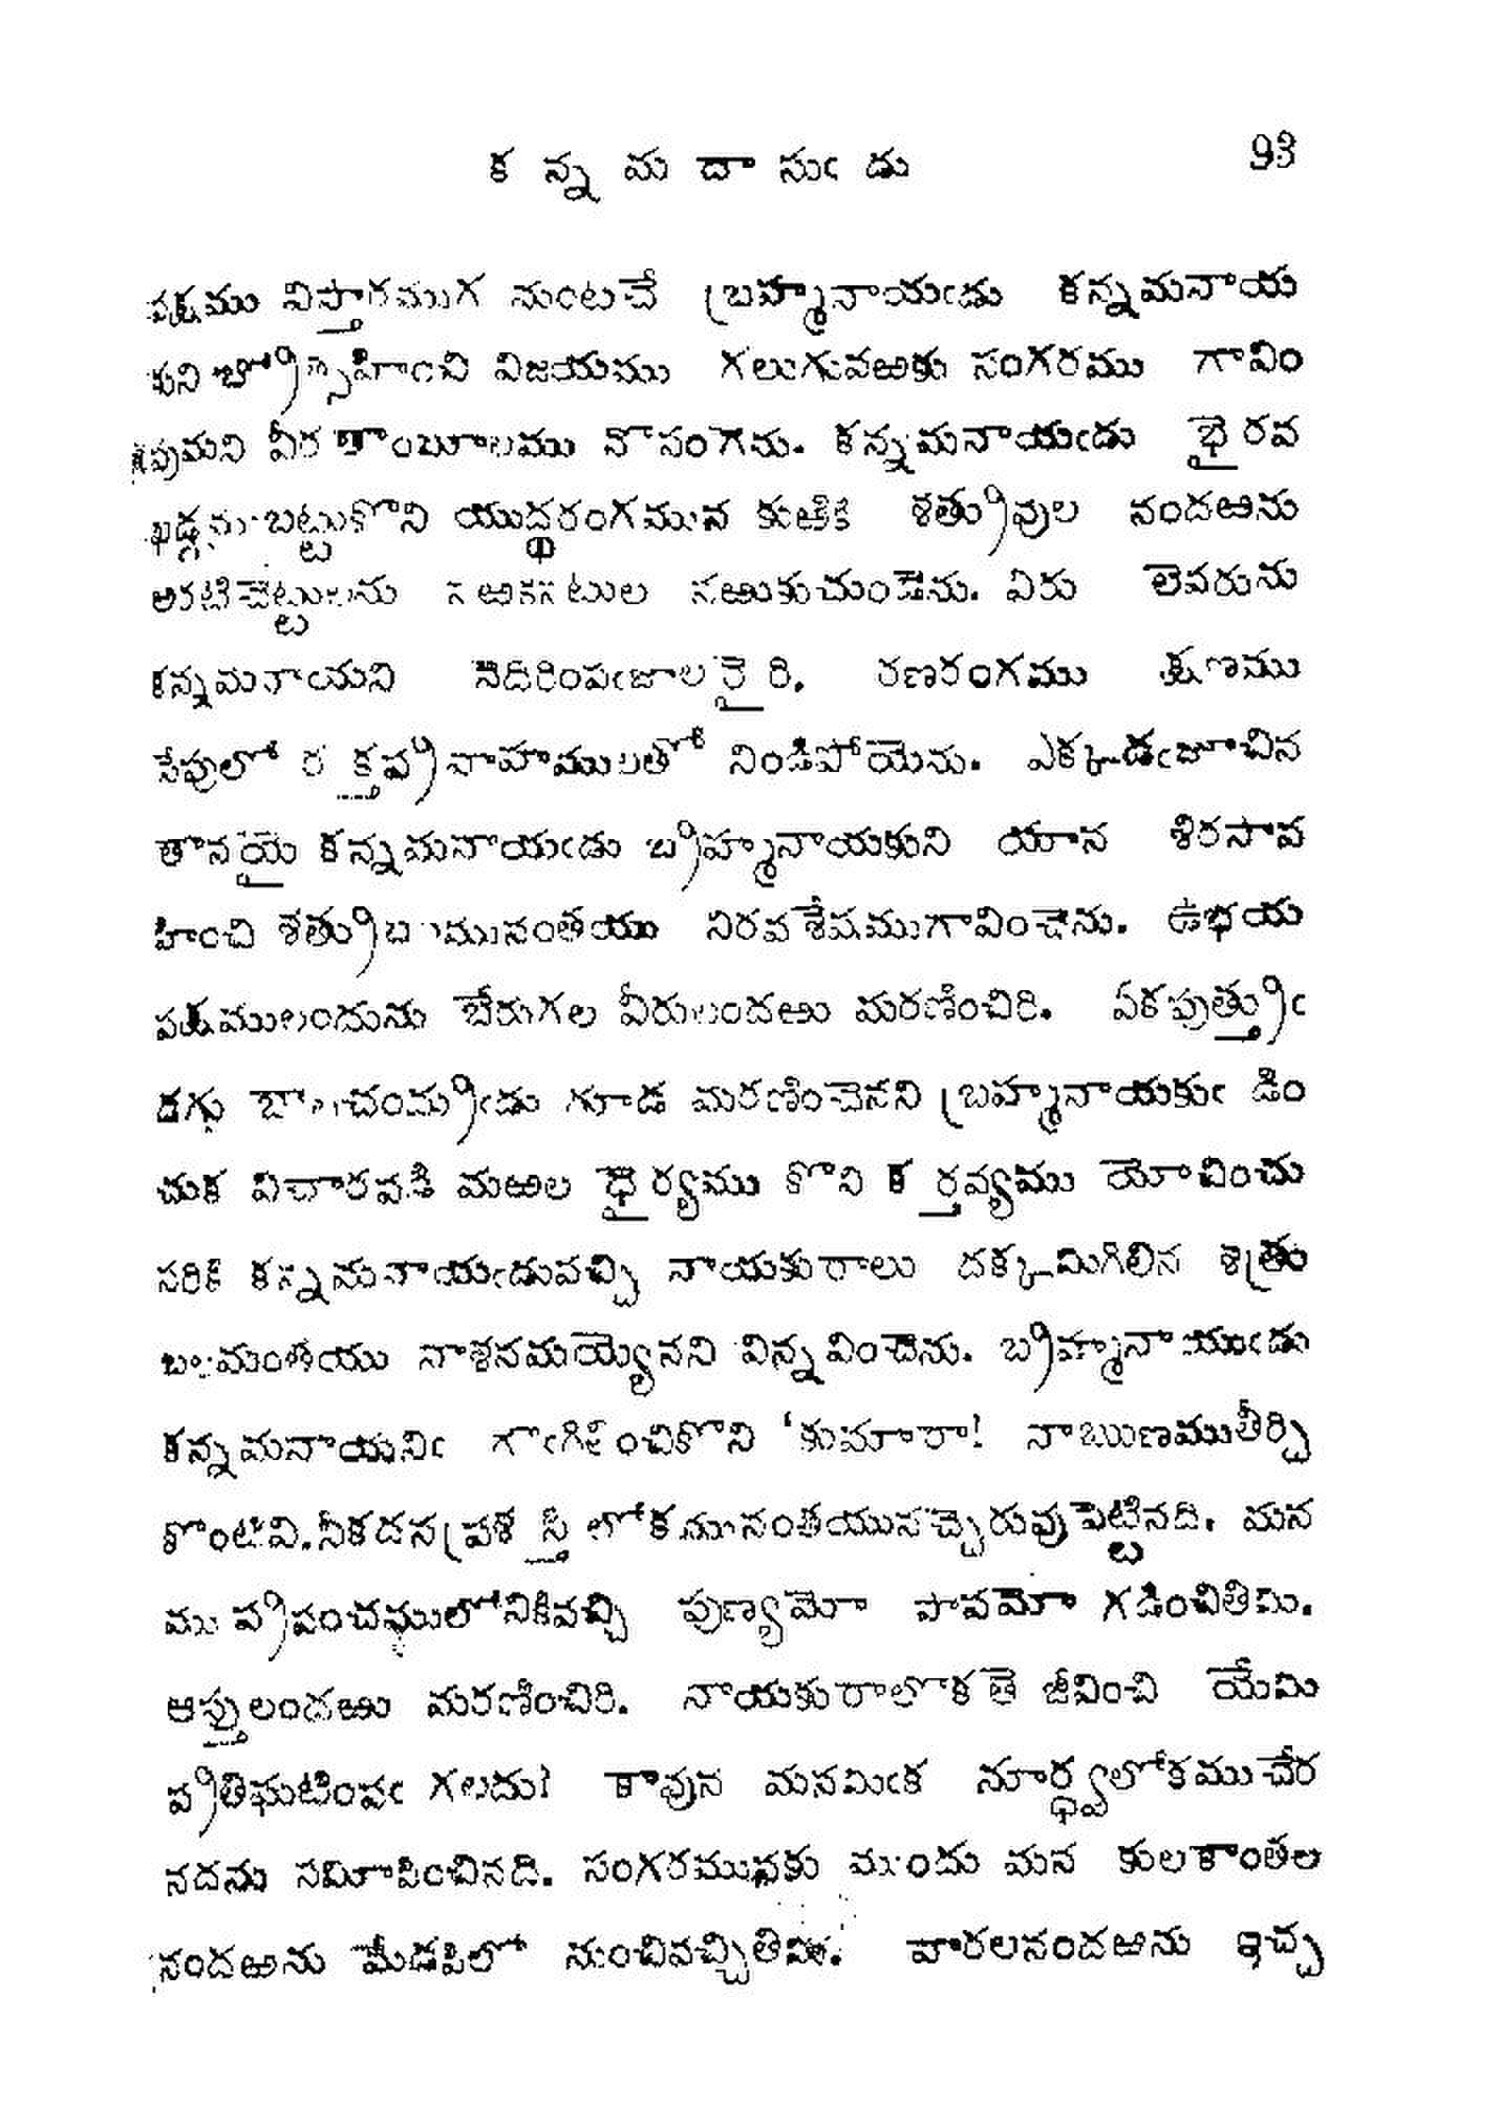పక్షము విస్తారముగ నుంటచే బ్రహ్మనాయడు కన్నమనాయకుని బ్రోత్సహించి విజయము గలుగువఱకు సంగరము గావింపుమని వీర తాంబూలము నొసంగెను. కన్నమనాయడు భైరవఖడ్గముబట్టుకొని యుద్థరంగమున కుఱికి శత్రువుల నందఱను అరటిచెట్టులను నఱకినటుల నఱుకుచుండెను. వీరు లెవరును కన్నమనాయని నెదిరింపజాలరైరి. రణరంగము క్షణముసేపులో రక్తప్రవాహములతో నిండిపోయెను. ఎక్కడజూచిన తానయై కన్నమనాయడు బ్రహ్మనాయకుని యాన శిరసావహించి శత్రుబలమునంతయు నిరపశేషముగావించెను. ఉభయపక్షములందును బేరుగల వీరులందఱు మరణించిరి. ఏకపుత్రుడగు బాలచంద్రుడు గూడ మరణించెనని బ్రహ్మనాయకు డించుక విచారపడి మఱల ధైర్యము కొని కర్తవ్యము యోచించుసరికి కన్నమనాయడువచ్చి నాయకురాలు దక్కమిగిలిన శత్రుబలమంతయు నాశనమయ్యెనని విన్నవించెను. బ్రహ్మనాయుడు కన్నమనాయని గౌగిలించికొని 'కుమారా! నాఋణముతీర్చికొంటివి. నీకదనప్రశస్తి లోకమునంతయునచ్చెరువు పెట్టినది. మనము ప్రపంచములోనికివచ్చి పుణ్యమో పాపమో గడించితిమి. ఆప్తులందఱు మరణించిరి. నాయకురాలొకతె జీవించి యేమి ప్రతిఘటింప గలదు? కావున మనమిక నూర్ధ్వలోకముచేర నదను సమీపించినది. సంగరమునకు ముందు మన కులకాంతల నందఱను మేడపిలో నుంచివచ్చితిమి. వారలనందఱను ఇచ్చ